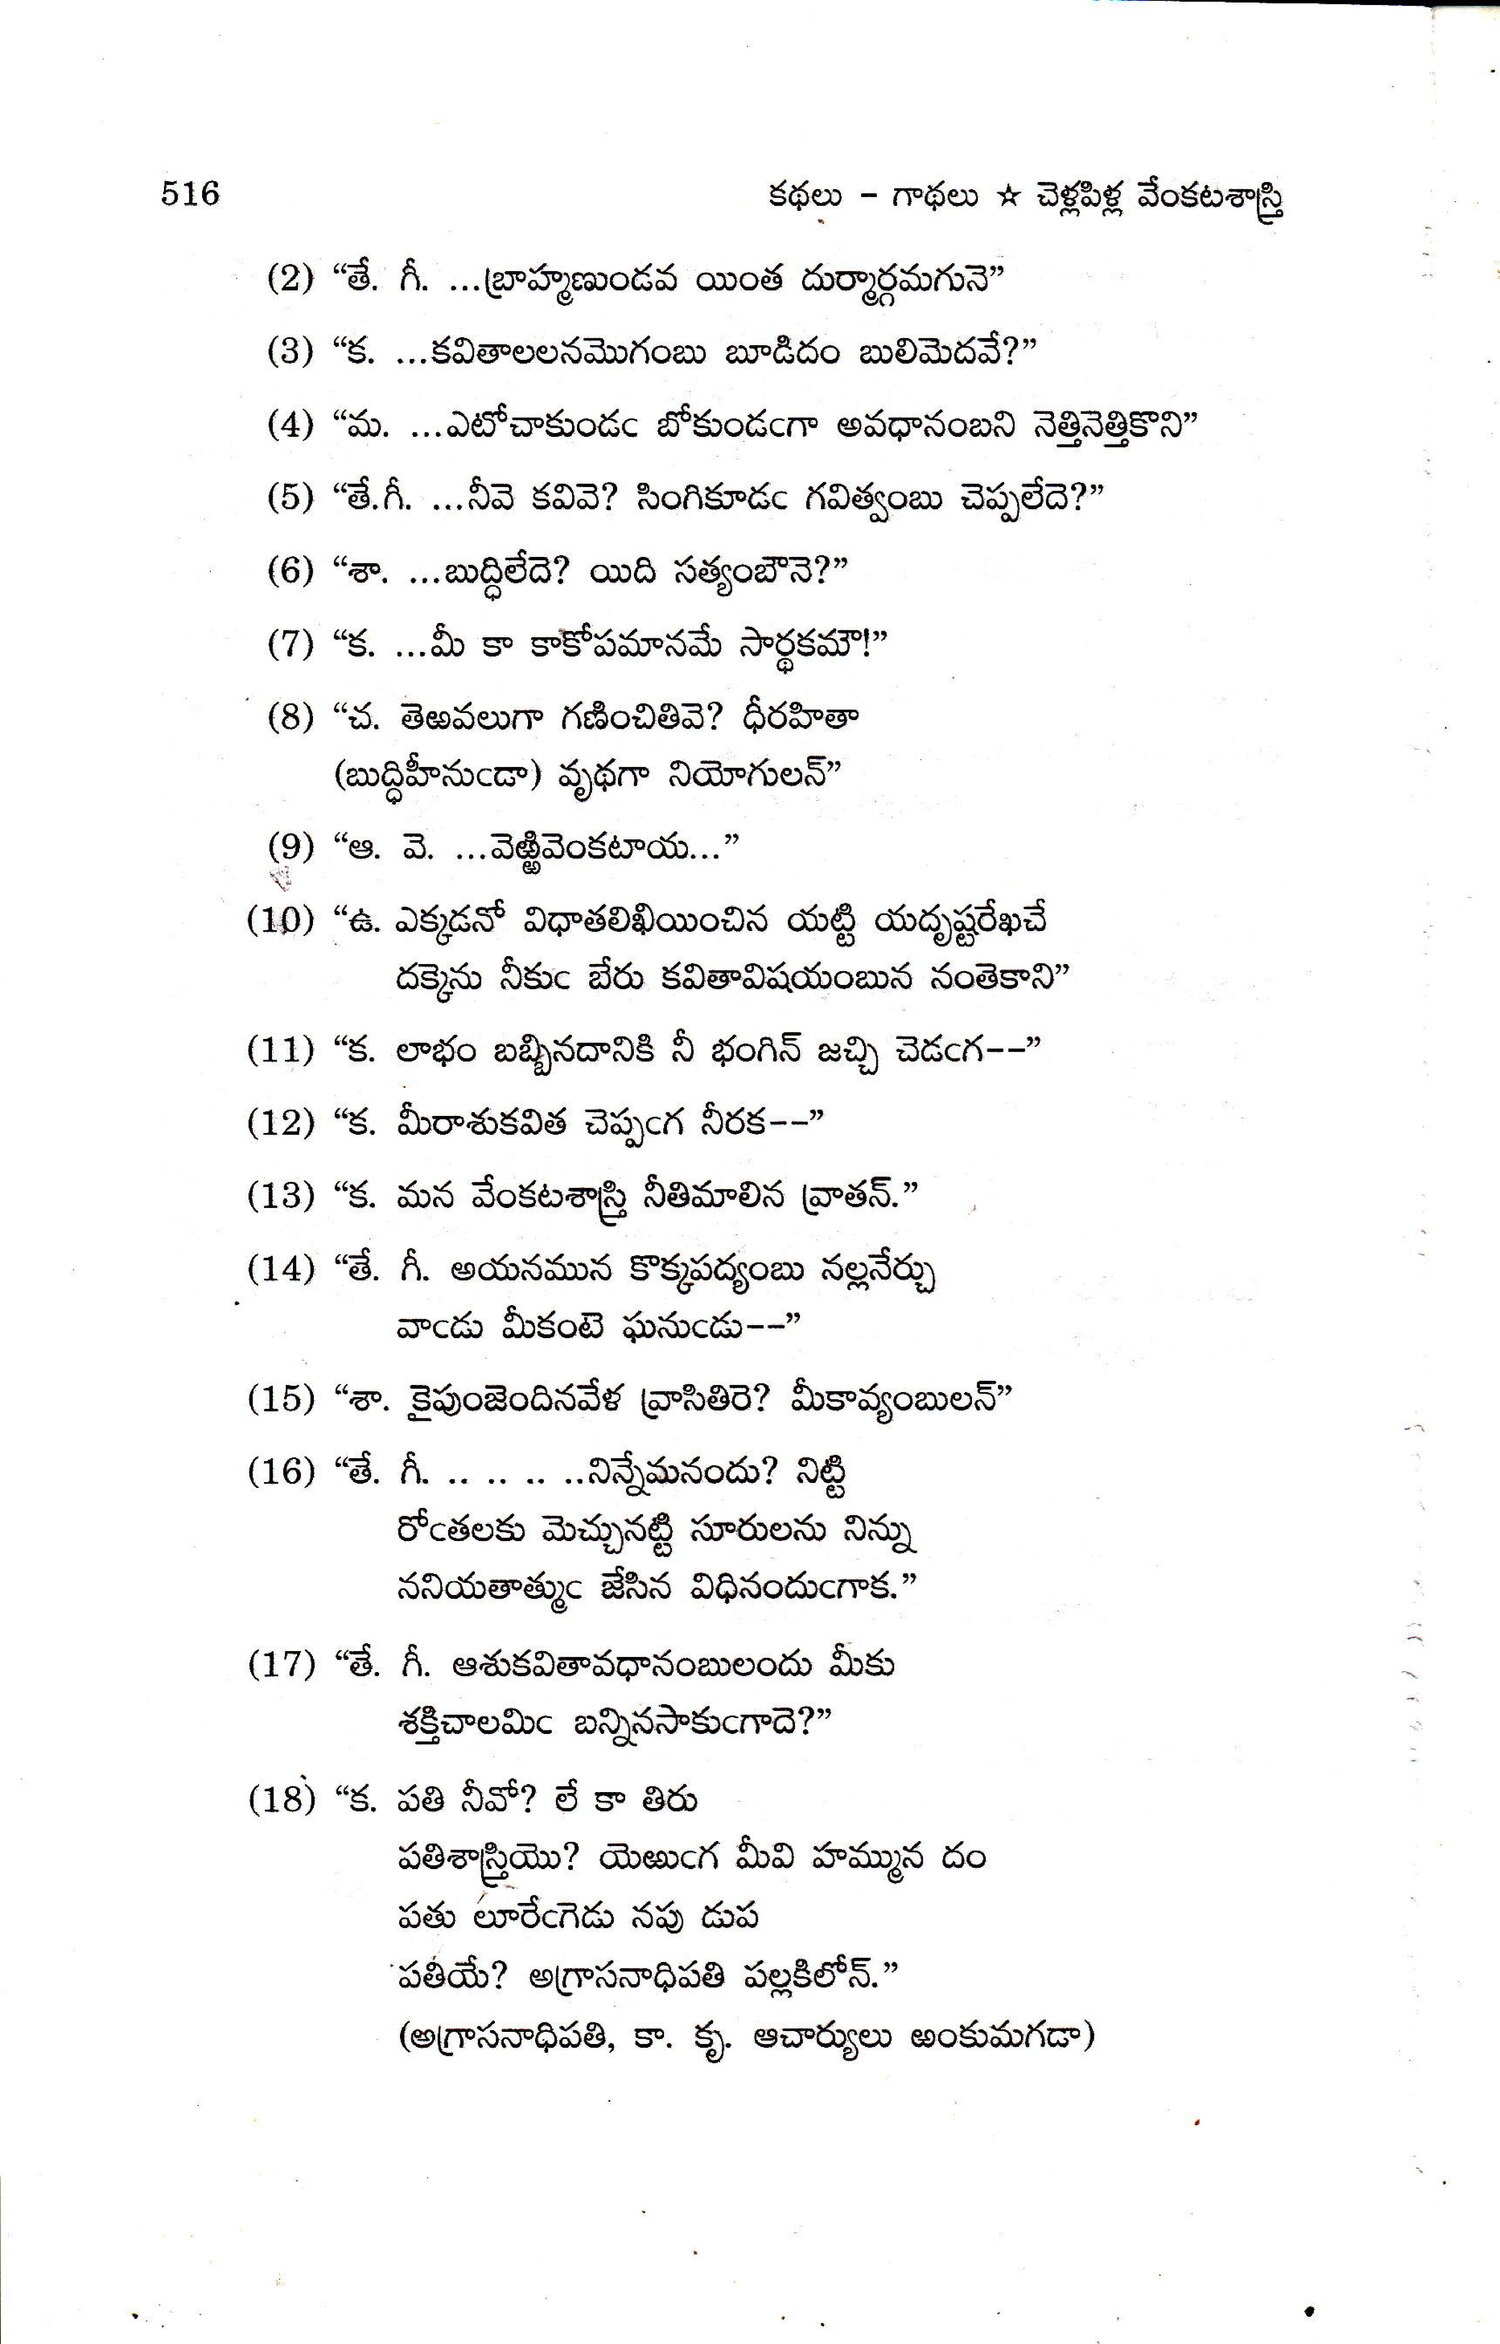(2) “తే. గీ. ...బ్రాహ్మణుండవ యింత దుర్మార్గమగునె" 

(3) “క. ...కవితాలలనమొగంబు బూడిదం బులిమెదవే?"

(4) “మ. ...ఎటోచాకుండఁ బోకుండఁగా అవధానంబని నెత్తినెత్తికొని" 

(5) "తే.గీ. ...నీవె కవివె? సింగికూడఁ గవిత్వంబు చెప్పలేదె?" 

(6) ‘శా. .బుద్ధిలేదె? యిది సత్యంబౌనె?" 

(7) “క. ...మీ కా కాకోపమానమే సార్థకమౌ!"

(8) “చ. తెఱవలుగా గణించితివె? ధీరహితా
 (బుద్ధిహీనుఁడా) వృథగా నియోగులన్"

(9) "ఆ. వె. ...వెఱ్ఱివెంకటాయ..." 

(10) “ఉ. ఎక్కడనో విధాతలిఖియించిన యట్టి యదృష్టరేఖచే
 దక్కెను నీకుఁ బేరు కవితావిషయంబున నంతెకాని"

(11) “క. లాభం బబ్బినదానికి నీ భంగిన్ జచ్చి చెడఁగ--" 

(12) "క మీరాశుకవిత చెప్పఁగ నీరక --" 

(13) “క. మన వేంకటశాస్త్రి నీతిమాలిన వ్రాతన్."

(14) “తే. గీ. అయనమున కొక్కపద్యంబు నల్లనేర్చు 
 వాఁడు మీకంటె ఘనుఁడు--"

(15) "శా. కైపుంజెందినవేళ వ్రాసితిరె? మీకావ్యంబులన్” 

(16) “తే, గీ. . . . ..నిన్నేమనందు? నిట్టి
 రోఁతలకు మెచ్చునట్టి సూరులను నిన్ను 
 ననియతాత్ముఁ జేసిన విధినందుఁగాక."

(17) “తే. గీ. ఆశుకవితావధానంబులందు మీకు
 శక్తిచాలమిఁ బన్నినసాకుఁగాదె?"

(18) “క. పతి నీవో? లే కా తిరు
 పతిశాస్త్రియొ? యెఱుఁగ మీవి హమ్మున దం 
 పతు లూరేఁగెడు నపు డుప 
 పతీయే? అగ్రాసనాధిపతి పల్లకిలోన్." 
 (అగ్రాసనాధిపతి, కా. కృ ఆచార్యలు ఱంకుమగడా)